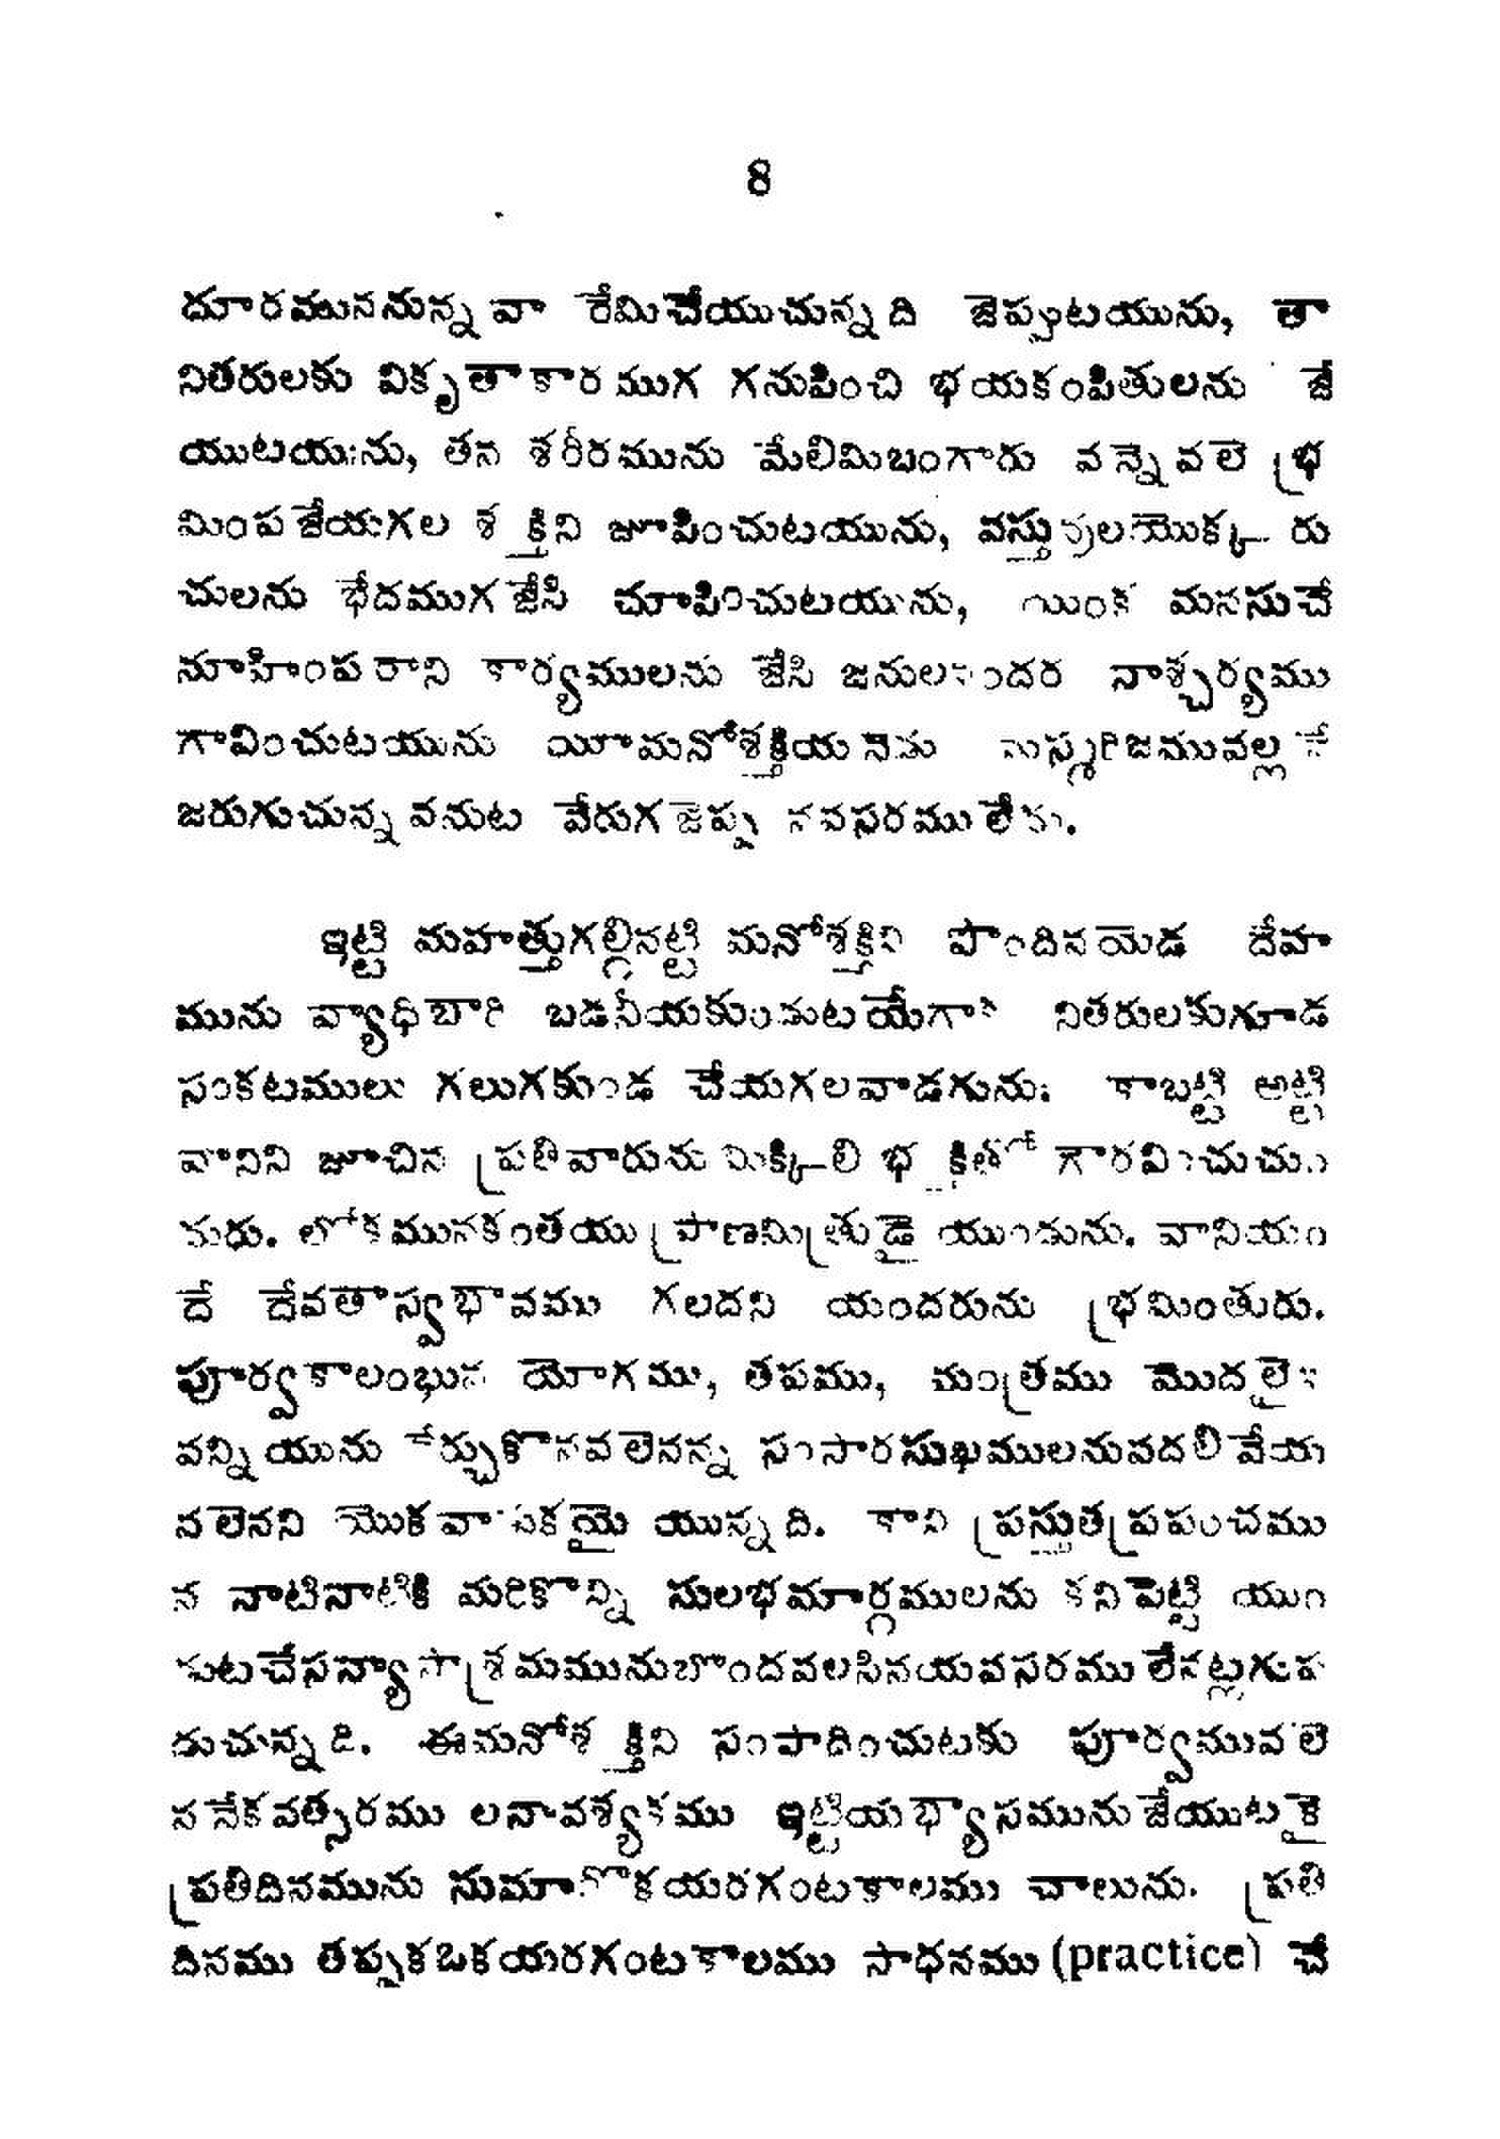దూరముననున్న వా రేమిచేయుచున్నది జెప్పుటయును, తా నితరులకు వికృతాకారముగ గనుపించి భయకంపితులను జేయుటయును, తన శరీరమును మేలిమిబంగారు వన్నెవలె భ్రమింపజేయగల శక్తిని జూపించుటయును, వస్తువులయొక్క రుచులను భేదముగ జేసి చూపించుటయును, యింక మనసుచే నూహింపరాని కార్యములను జేసి జనులనందర నాశ్చర్యము గావించుటయును యీమనోశక్తియనెడు మెస్మరిజమువల్ల నే జరుగుచున్న వనుట వేరుగ జెప్ప నవసరము లేదు.

ఇట్టి మహత్తుగల్గినట్టి మనోశక్తిని పొందినయెడ దేహమును వ్యాధిబారి బడనీయకుండుటయేగాక నితరులకుగూడ సంకటములు గలుగకుండ చేయగలవాడగును. కాబట్టి అట్టి వానిని జూచిన ప్రతివారును మిక్కిలి భక్తితో గౌరవించుచుందురు. లోకమునకంతయు ప్రాణమిత్రుడై యుండును. వానియందే దేవతాస్వభావము గలదని యందరును భ్రమింతురు. పూర్వకాలంబున యోగము, తపము, మంత్రము మొదలైన వన్నియును నేర్చుకొనవలెనన్న సంసారసుఖములనువదలి వేయ
వలెనని యొకవాడుకయై యున్నది. కాని ప్రస్తుతప్రపంచమున నాటినాటికి మరికొన్ని సులభ మార్గములను కనిపెట్టి యుండుటచేసన్యాసాశ్రమమునుబొందవలసినయవసరము లేనట్లగు పడుచున్నది. ఈమనోశక్తిని సంపాదించుటకు పూర్వమువలె ననేకవత్సరము లనావశ్యకము ఇట్టియభ్యాసమును జేయుటకై ప్రతిదినమును సుమారొక యరగంటకాలము చాలును. ప్రతిదినము తప్పకఒకయరగంటకాలము సాధనము (practice) చే